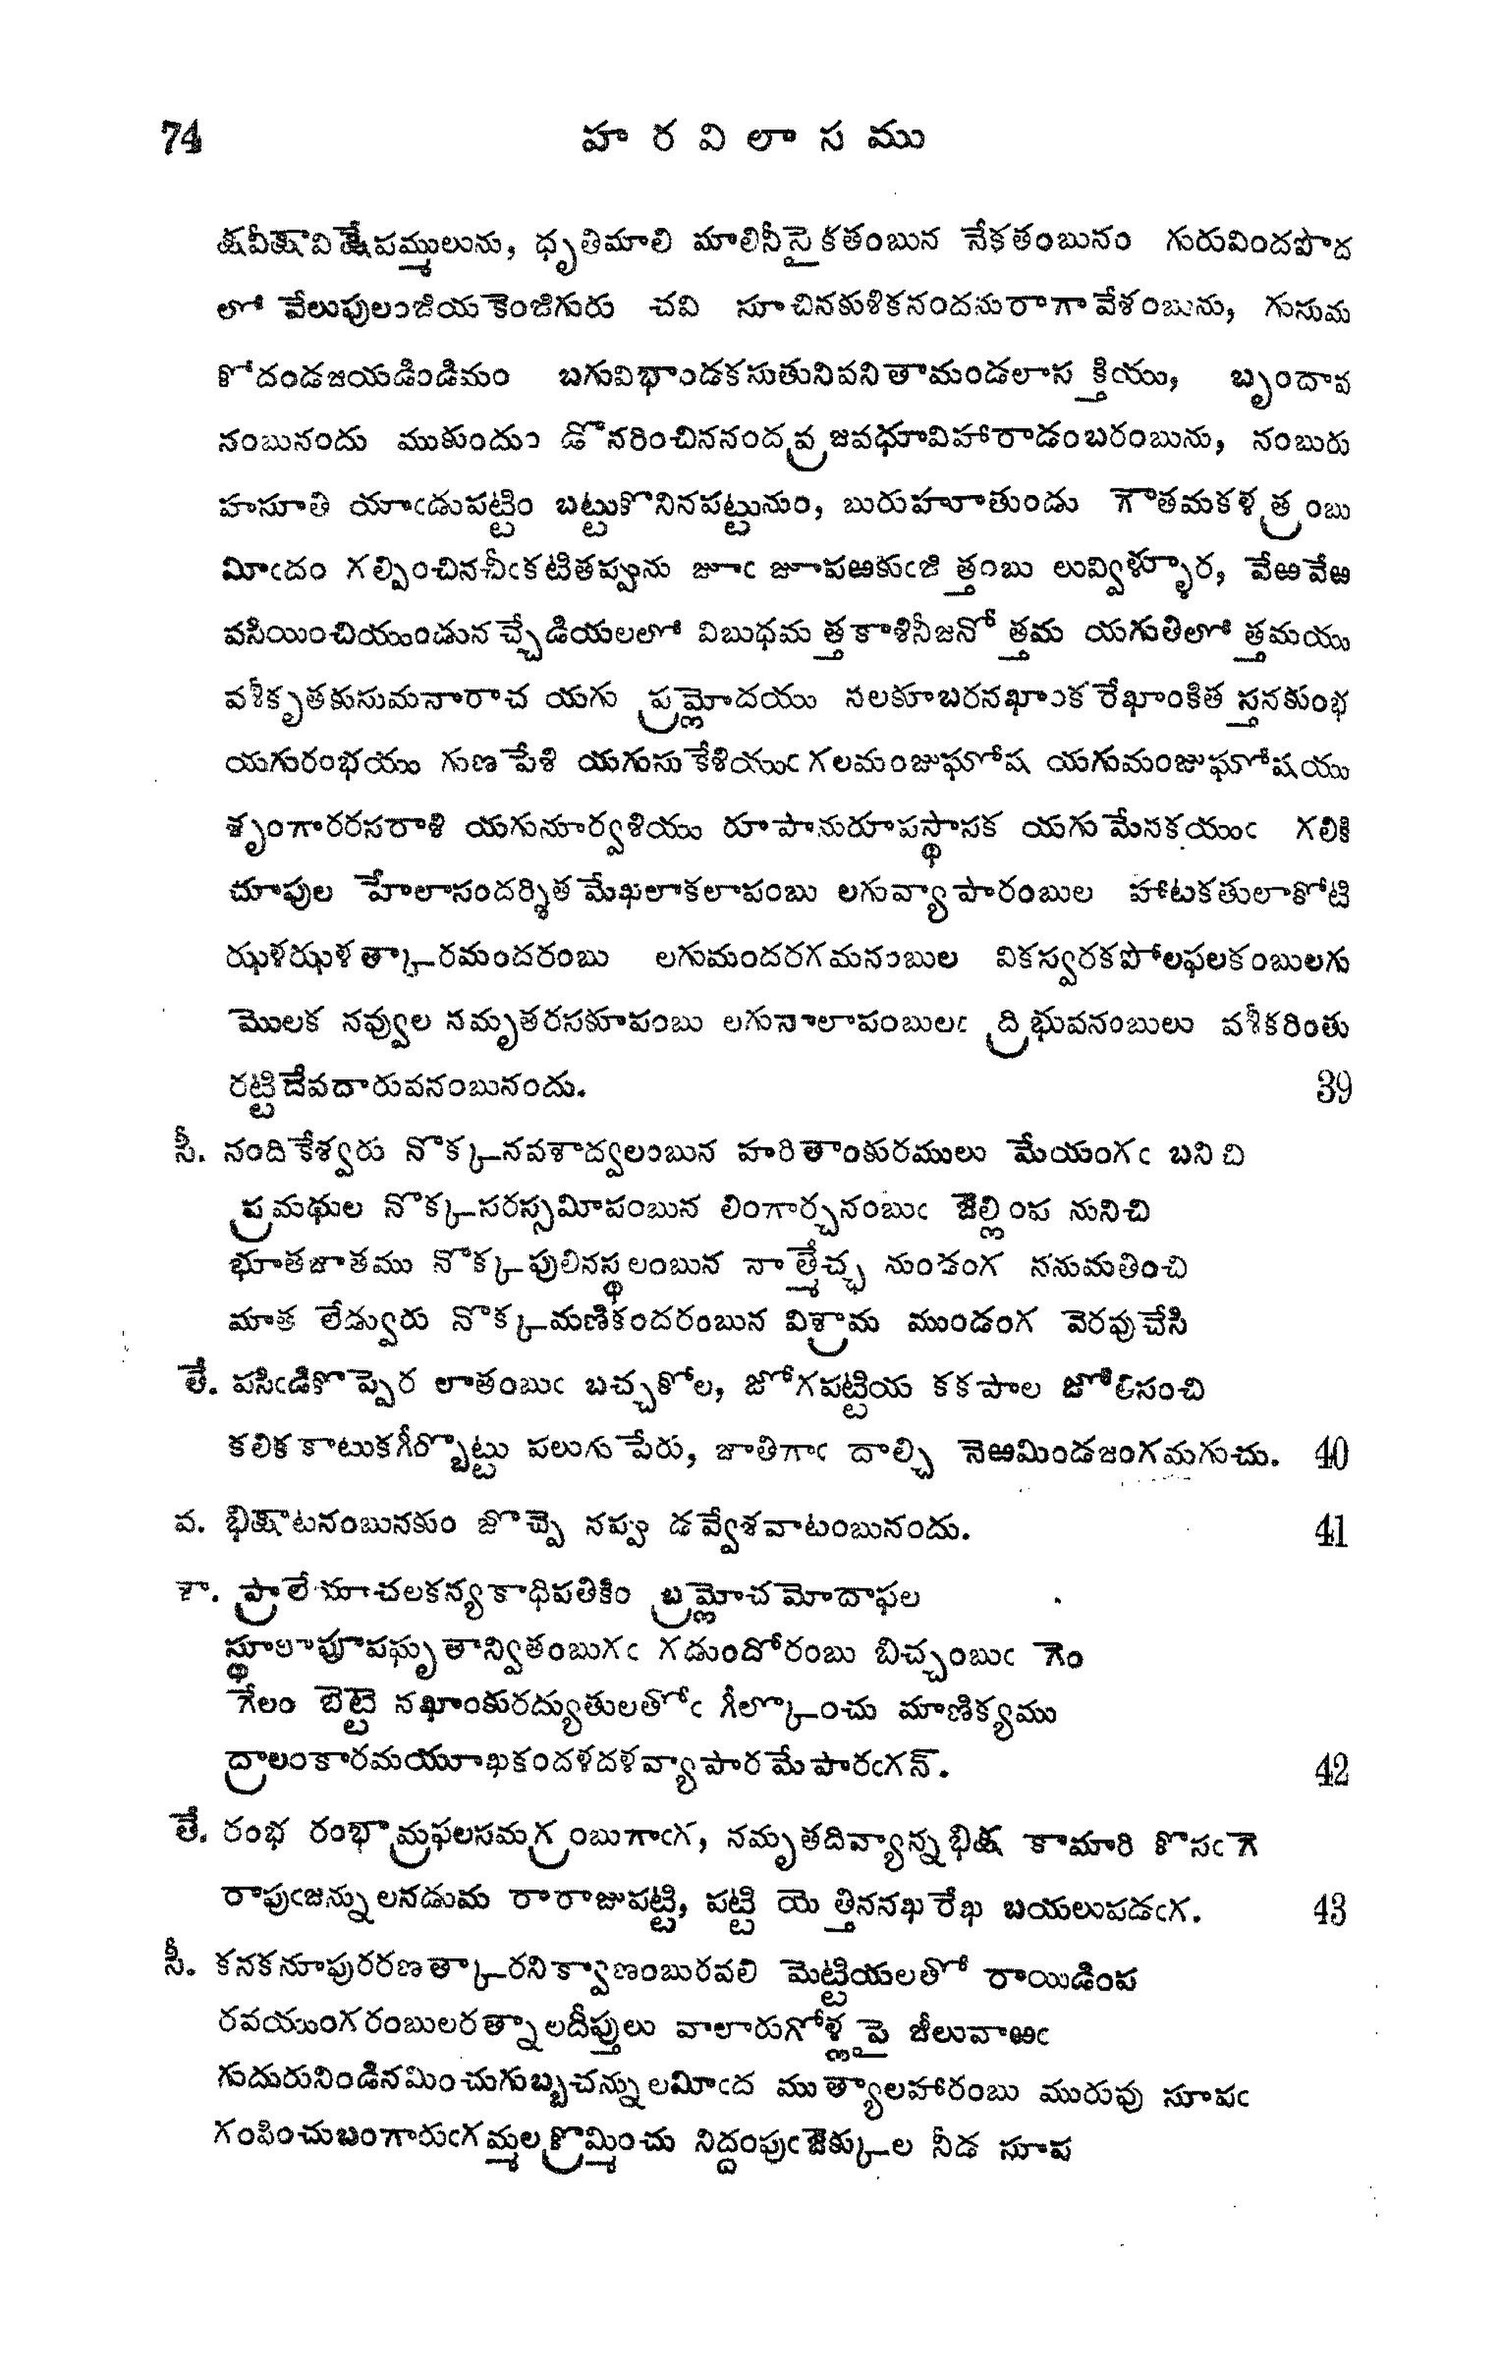క్షవీక్షావిక్షేపములును, ధృతిమాలి మాలినీసైకతంబున నేకతంబునం గురువిందపొదలో వేలుపులంజియకెంజిగురు చవి సూచినకుశికనందనురాగావేశంబును, గుసుమగోదండజయడిండిమం బగువిభాండకసుతునివనితామండలాసక్తియు, బృందావనంబునందు ముకుందు డొనరించిన నందవ్రజవధూవిహారాడంబరంబును, నంబురుహసూతి యాఁడుపట్టిం బట్టుకొనినపట్టునుం, బురుహూతుండు గౌతమకళత్రంబుమీఁదం గల్పించిన చీఁకటితప్పును జూఁ జూపఱకుఁజిత్తంబు లువ్విళ్ళూర, వేఱవేఱ వసియించియుండునచ్చేడియలలో విబుధమత్తకాశినీజనోత్తమ యగుతిలోత్తమయు వశీకృతకుసుమనారాచ యగుప్రమ్లోదయు నలకూబరనఖాంకరేఖాంకితస్తనకుంభ యగురంభయు గుణపేశి యగుసుకేశియుఁ గలమంజుఘోష యగుమంజుఘోషయు శృంగారరసరాశి యగునూర్వశియు రూపానురూపస్థానక యగుమేనకయుఁ గలికిచూపుల హేలాసందర్శితమేఖలాకలాపంబు లగువ్యాపారంబుల హాటకతులాకోటిఝళఝళత్కారమందరంబు లగుమందరగమనంబుల వికస్వరకపోలఫలకంబులగు మొలకనవ్వుల నమృతరసకూపంబు లగునాలాపంబులఁ ద్రిభువనంబులు వశీకరింతు రట్టి దేవదారువనంబునందు. 39

సీ. నందికేశ్వరు నొక్కనవశాద్వలంబున హరితాంకురములు మేయంగఁ బనిచి
ప్రమథుల నొక్కసరస్సమీపంబున లింగార్చనంబుఁ జెల్లింప నునిచి
భూతజాతము నొక్కపులినస్థలంబున నాత్మేచ్ఛ నుండంగ ననుమతించి
మాత లేడ్వురు నొక్కమణికందరంబున విశ్రామ ముండంగ వెరవు చేసి
తే. పసిఁడికొప్పెర లాతంబుఁ బచ్చకోల, జోగపట్టియ కకపాల జోలిసంచి
కలిక కాటుకగీర్బొట్టు పలుగుపేరు, జాతిగాఁ దాల్చి నెఱమిండజంగ మగుచు. 40

వ. భిక్షాటనంబునకుం జొచ్చె నప్పు డవ్వేశవాటంబునందు. 41

శా. ప్రాలేయాచలకన్యకాధిపతికిం బ్రమ్లోచమోదాఫల
స్థూలాపూపఘృతాన్వితంబుగఁ గడుందోరంబు బిచ్చంబుఁ గెం
గేలం బెట్టె నఖాంకురద్యుతులతోఁ గీల్కొంచు మాణిక్యము
ద్రాలంకారమయూఖకందళదళవ్యాపార మేపారఁగన్. 42

లే. రంభ రంభామ్రఫలసమగ్రంబు గాఁగ, నమృతదివ్యాన్న భిక్ష కామారి కొసఁగె
రాపుఁజన్నులనడుమ రారాజుపట్టి, పట్టి యెత్తిననఖరేఖ బయలుపడఁగ. 43

సీ. కనకనూపురరణత్కారనిక్వాణంబురవలి మెట్టియలతో రాయిడింప
రవయుంగరంబులరత్నాలదీప్తులు వాలారుగోళ్లపై జీలువాఱఁ
గుదురునిండినమించుగుబ్బచన్నులమీఁద ముత్యాలహారంబు మురువు సూప
గంపించు బంగారుఁగమ్మల క్రొమ్మించు నిద్దంపుఁజెక్కుల నీడ సూప